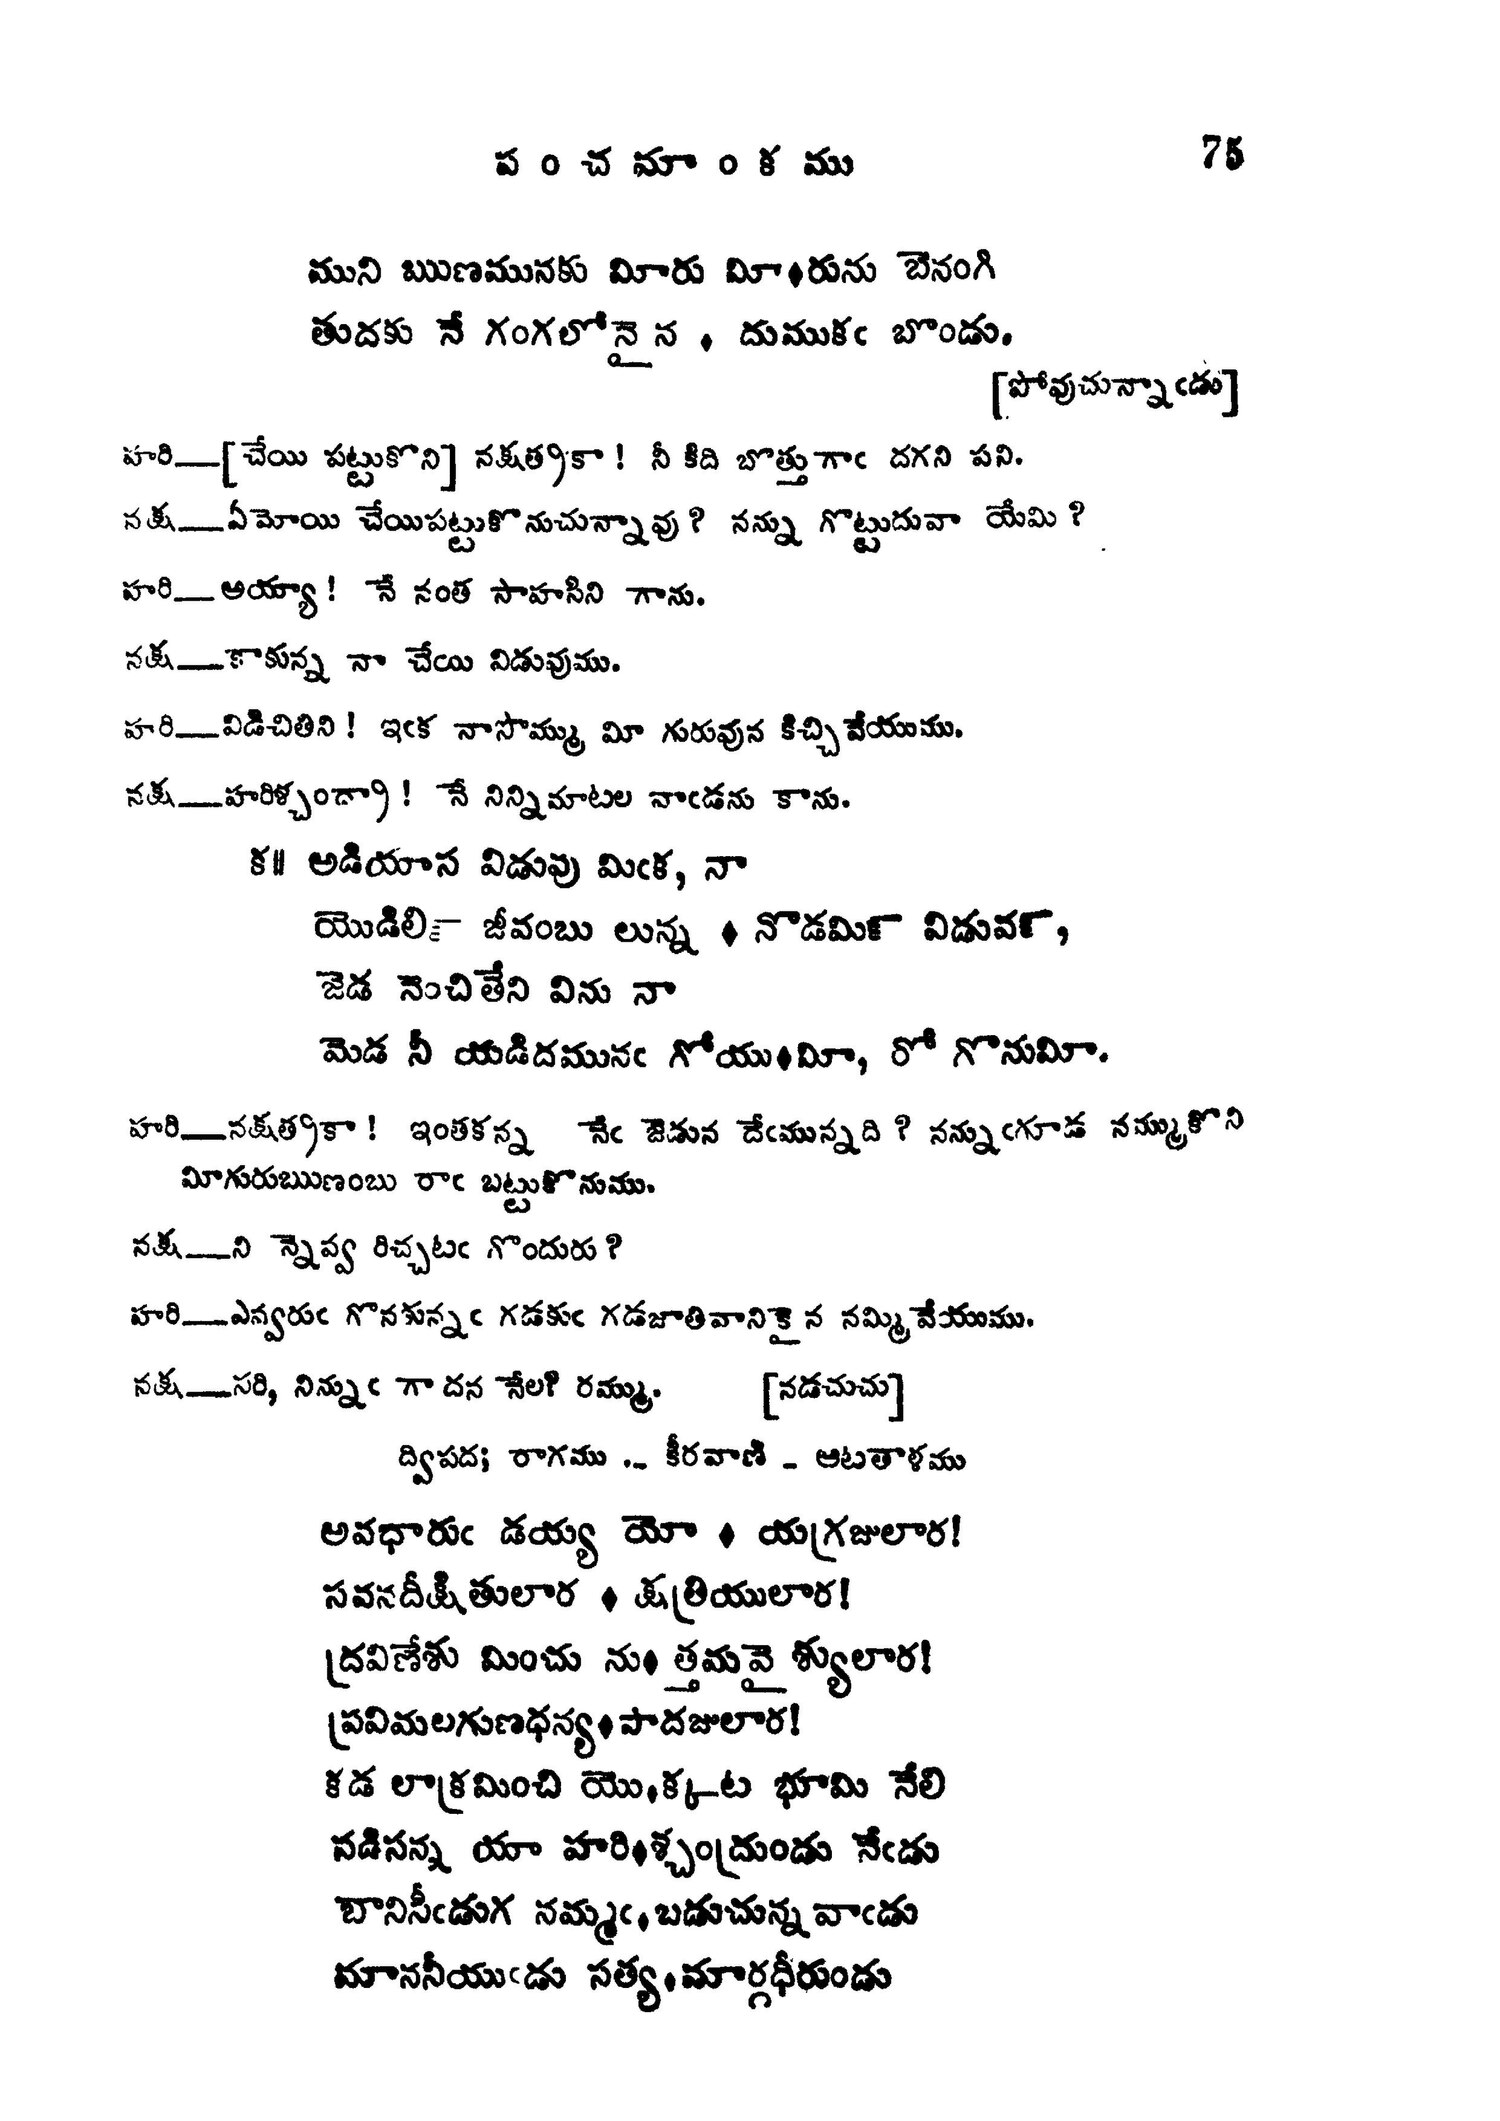ముని ఋణమునకు మీరు మీరును బెనంగి
తుదకు నే గంగలోనైన దుముక బొండు
(పోవుచున్నాడు)

హరి: 	(చేయి పట్టుకొని) నక్షత్రకా! నీకిది బొత్తుగాఁ దగనిపని.

నక్ష: 	ఏమోయి చేయి పట్టుకొనుచున్నావు? నన్నుఁ గొట్టుదువా యేమి?

హరి: 	అయ్యా! నేనంత సాహసిని గాను.

నక్ష: 	కాకున్న నా చేయి విడువుము.

హరి: 	విడిచితిని. ఇంక నా సొమ్ము మీ గురువున కిచ్చి వేయుము.

నక్ష: 	
హరిశ్చంద్రా! నే నిన్ని మాటలవాఁడను గాను.

క. 	అడియాస విడువు మిఁక నా
యొడలన్‌ జీవంబు లున్న వొదమిన్‌ విడువన్‌
జెడనెంచి తేని నినునా
బొడ నీ యడిదమున గోయ మీఁరో గొనుమీ.

హరి: 	నక్షత్రకా! ఇంతకన్న నేఁ జెడునదేమున్నది? నన్ను గూడ నమ్ముకొని మీ గురువు ఋణంబు రాబట్టుకొనుము.

నక్ష: 	నిన్నెవ్వరిచ్చటఁ గొందురు?

హరి: 	ఎవ్వరు గొనకున్న గడకుఁ గడజాతివానికైన నమ్మివేయుము.

నక్ష: 	
సరి నిన్ను గాదననేల. (నడచును)
(ద్విపద - కీరవాణి రాగము - ఆది తాళము)
 	అవధారుఁడయ్య యో యగ్రజులార
సవన దీక్షితులార క్షత్రియులార
ద్రవిణేశు మించు నుత్తమ వైశ్యులార
ప్రవిమల గుణగణ్య పాదజులార
కడలాక్రమించి యొక్కట భూమి నేలి
సడినున్న యా హరిశ్చంద్రుడు నేఁడు
బానిసీడుగ నమ్మంబడుచున్న వాఁడు
మాననీయుడు సత్యమార్గ ధీరుండు